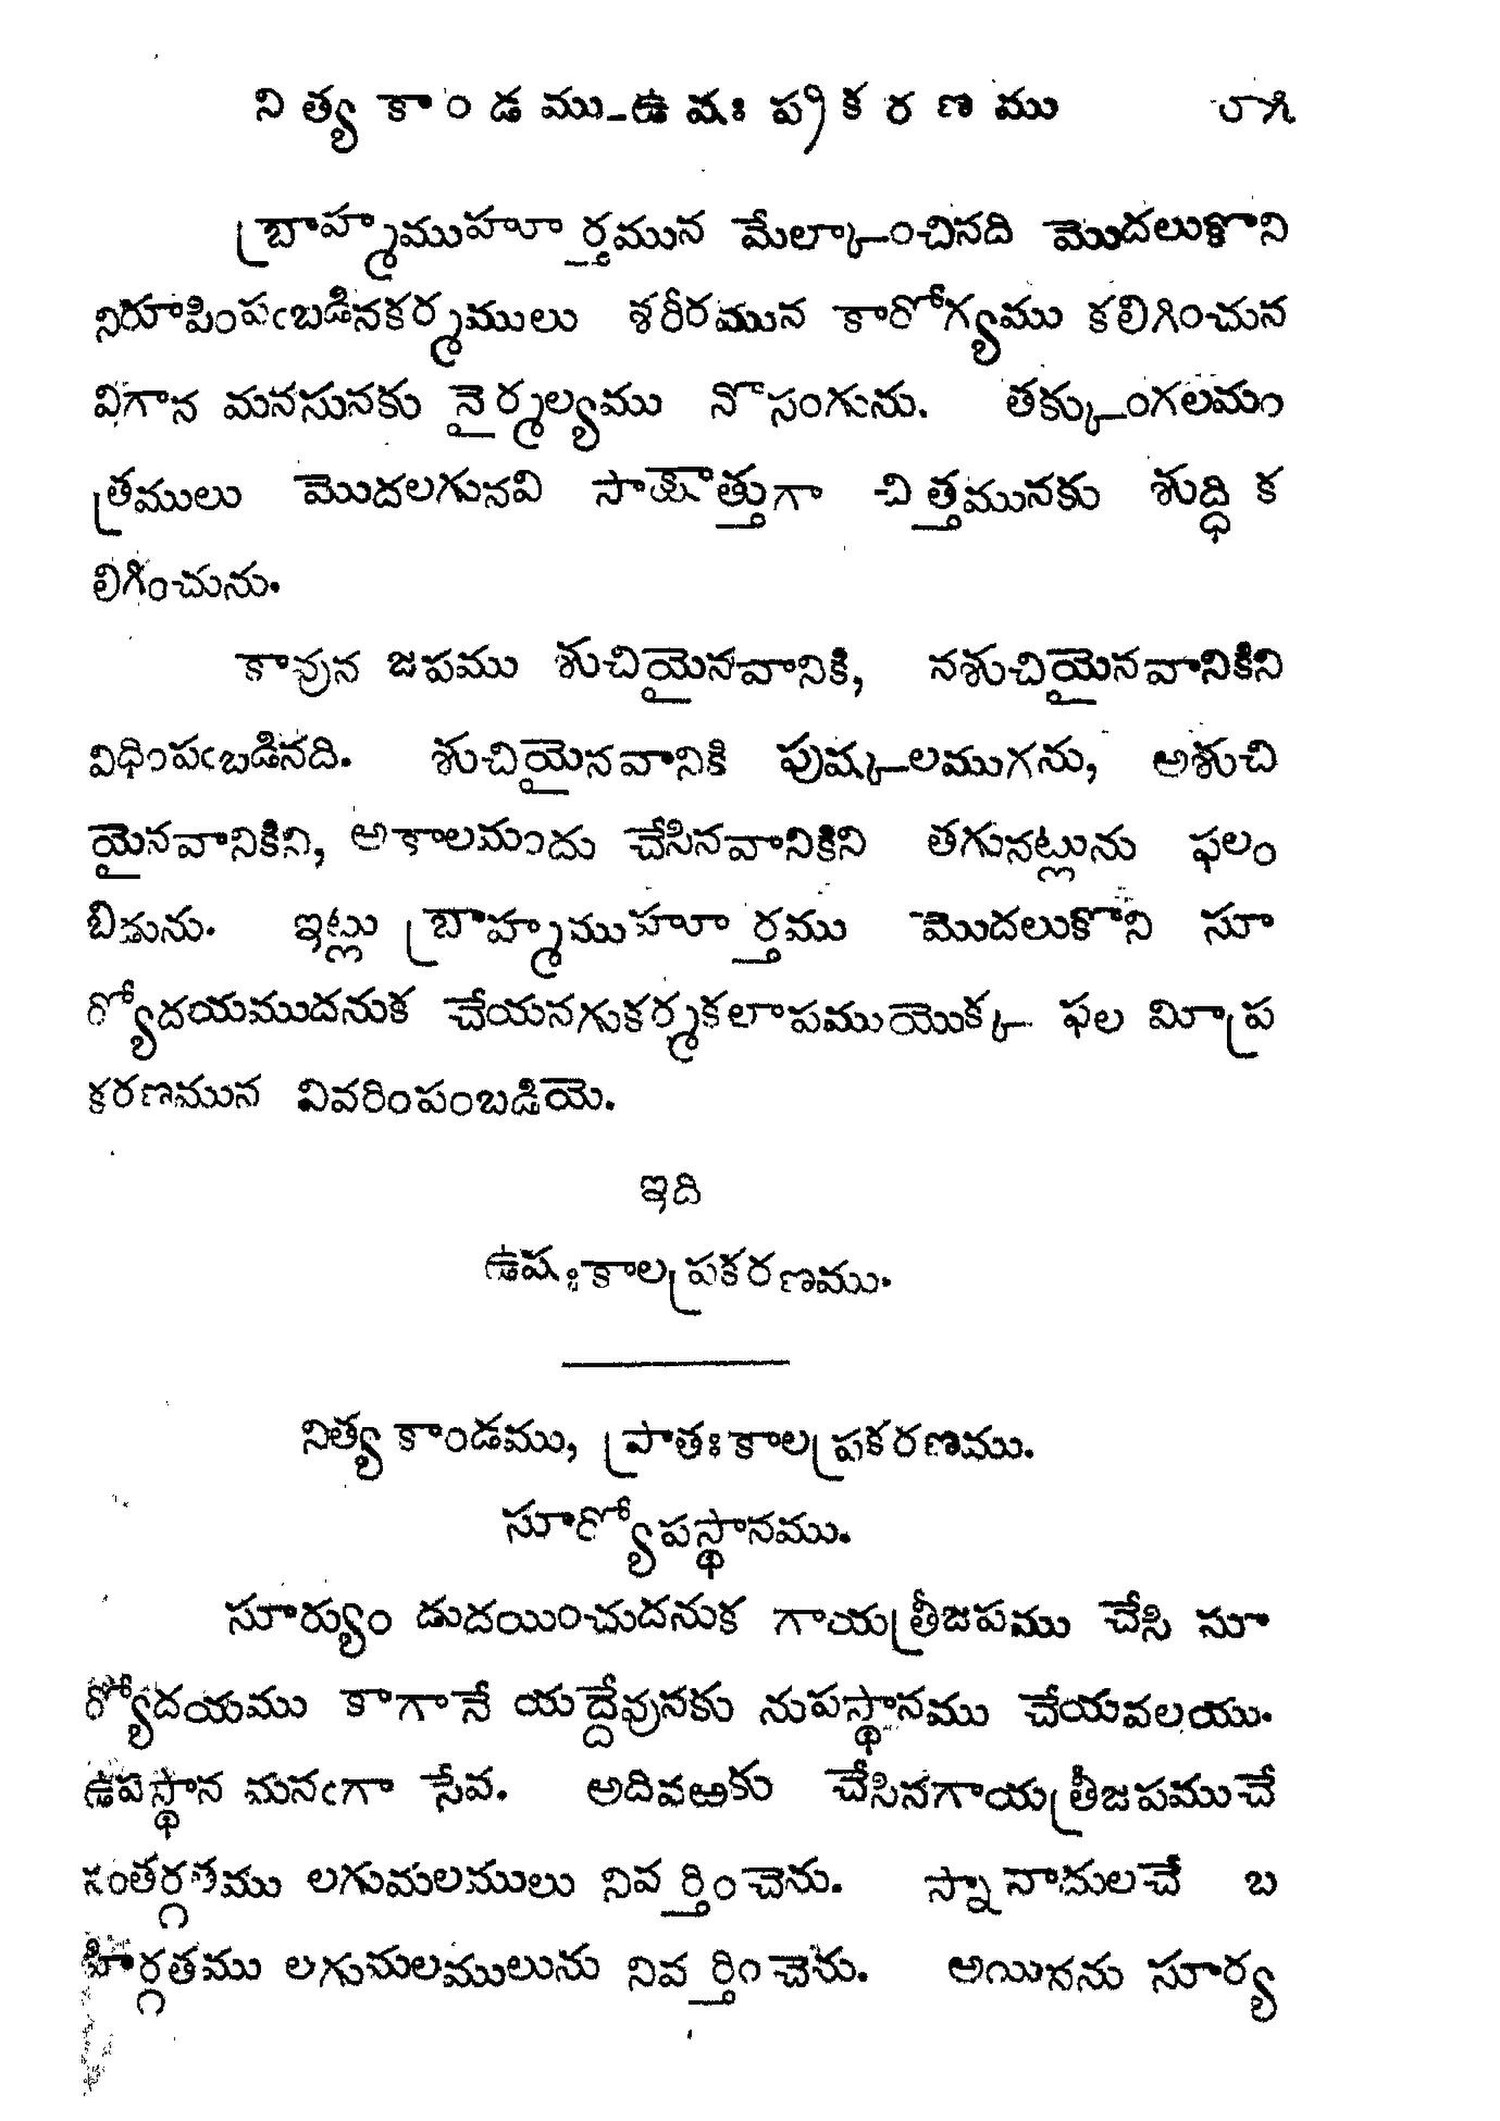బ్రాహ్మముహూర్తమున మేల్కాంచినది మొదలుకొని నిరూపింపఁబడినకర్మములు శరీరమున కారోగ్యము కలిగించునవిగాన మనసునకు నైర్మల్యము నొసంగును. తక్కుగలమంత్రములు మొదలగునవి సాక్షాత్తుగా చిత్తమునకు శుద్ధి కలిగించును.

కావున జపము శుచియైనవానికి, నశుచియైనవానికిని విధింపఁబడినది. శుచియైనవానికి పుష్కలముగను, అశుచియైనవానికిని, అకాలమందు చేసినవానికిని తగునట్లును ఫలం బిడును. ఇట్లు బ్రాహ్మముహూర్తము మొదలుకొని సూర్యోదయముదనుక చేయనగుకర్మకలాపముయొక్క ఫల మీప్రకరణమున వివరింపంబడియె.

సూర్యుం డుదయించుదనుక గాయత్రీజపము చేసి సూర్యోదయము కాగానే యద్దేవునకు నుపస్థానము చేయవలయు. ఉపస్థాన మనఁగా సేవ. అదివఱకు చేసినగాయత్రీజపముచే నంతర్గతము లగుమలములు నివర్తించెను. స్నానాదులచే బహిర్గతము లగుమలములును నివర్తించెను. అయినను సూర్య